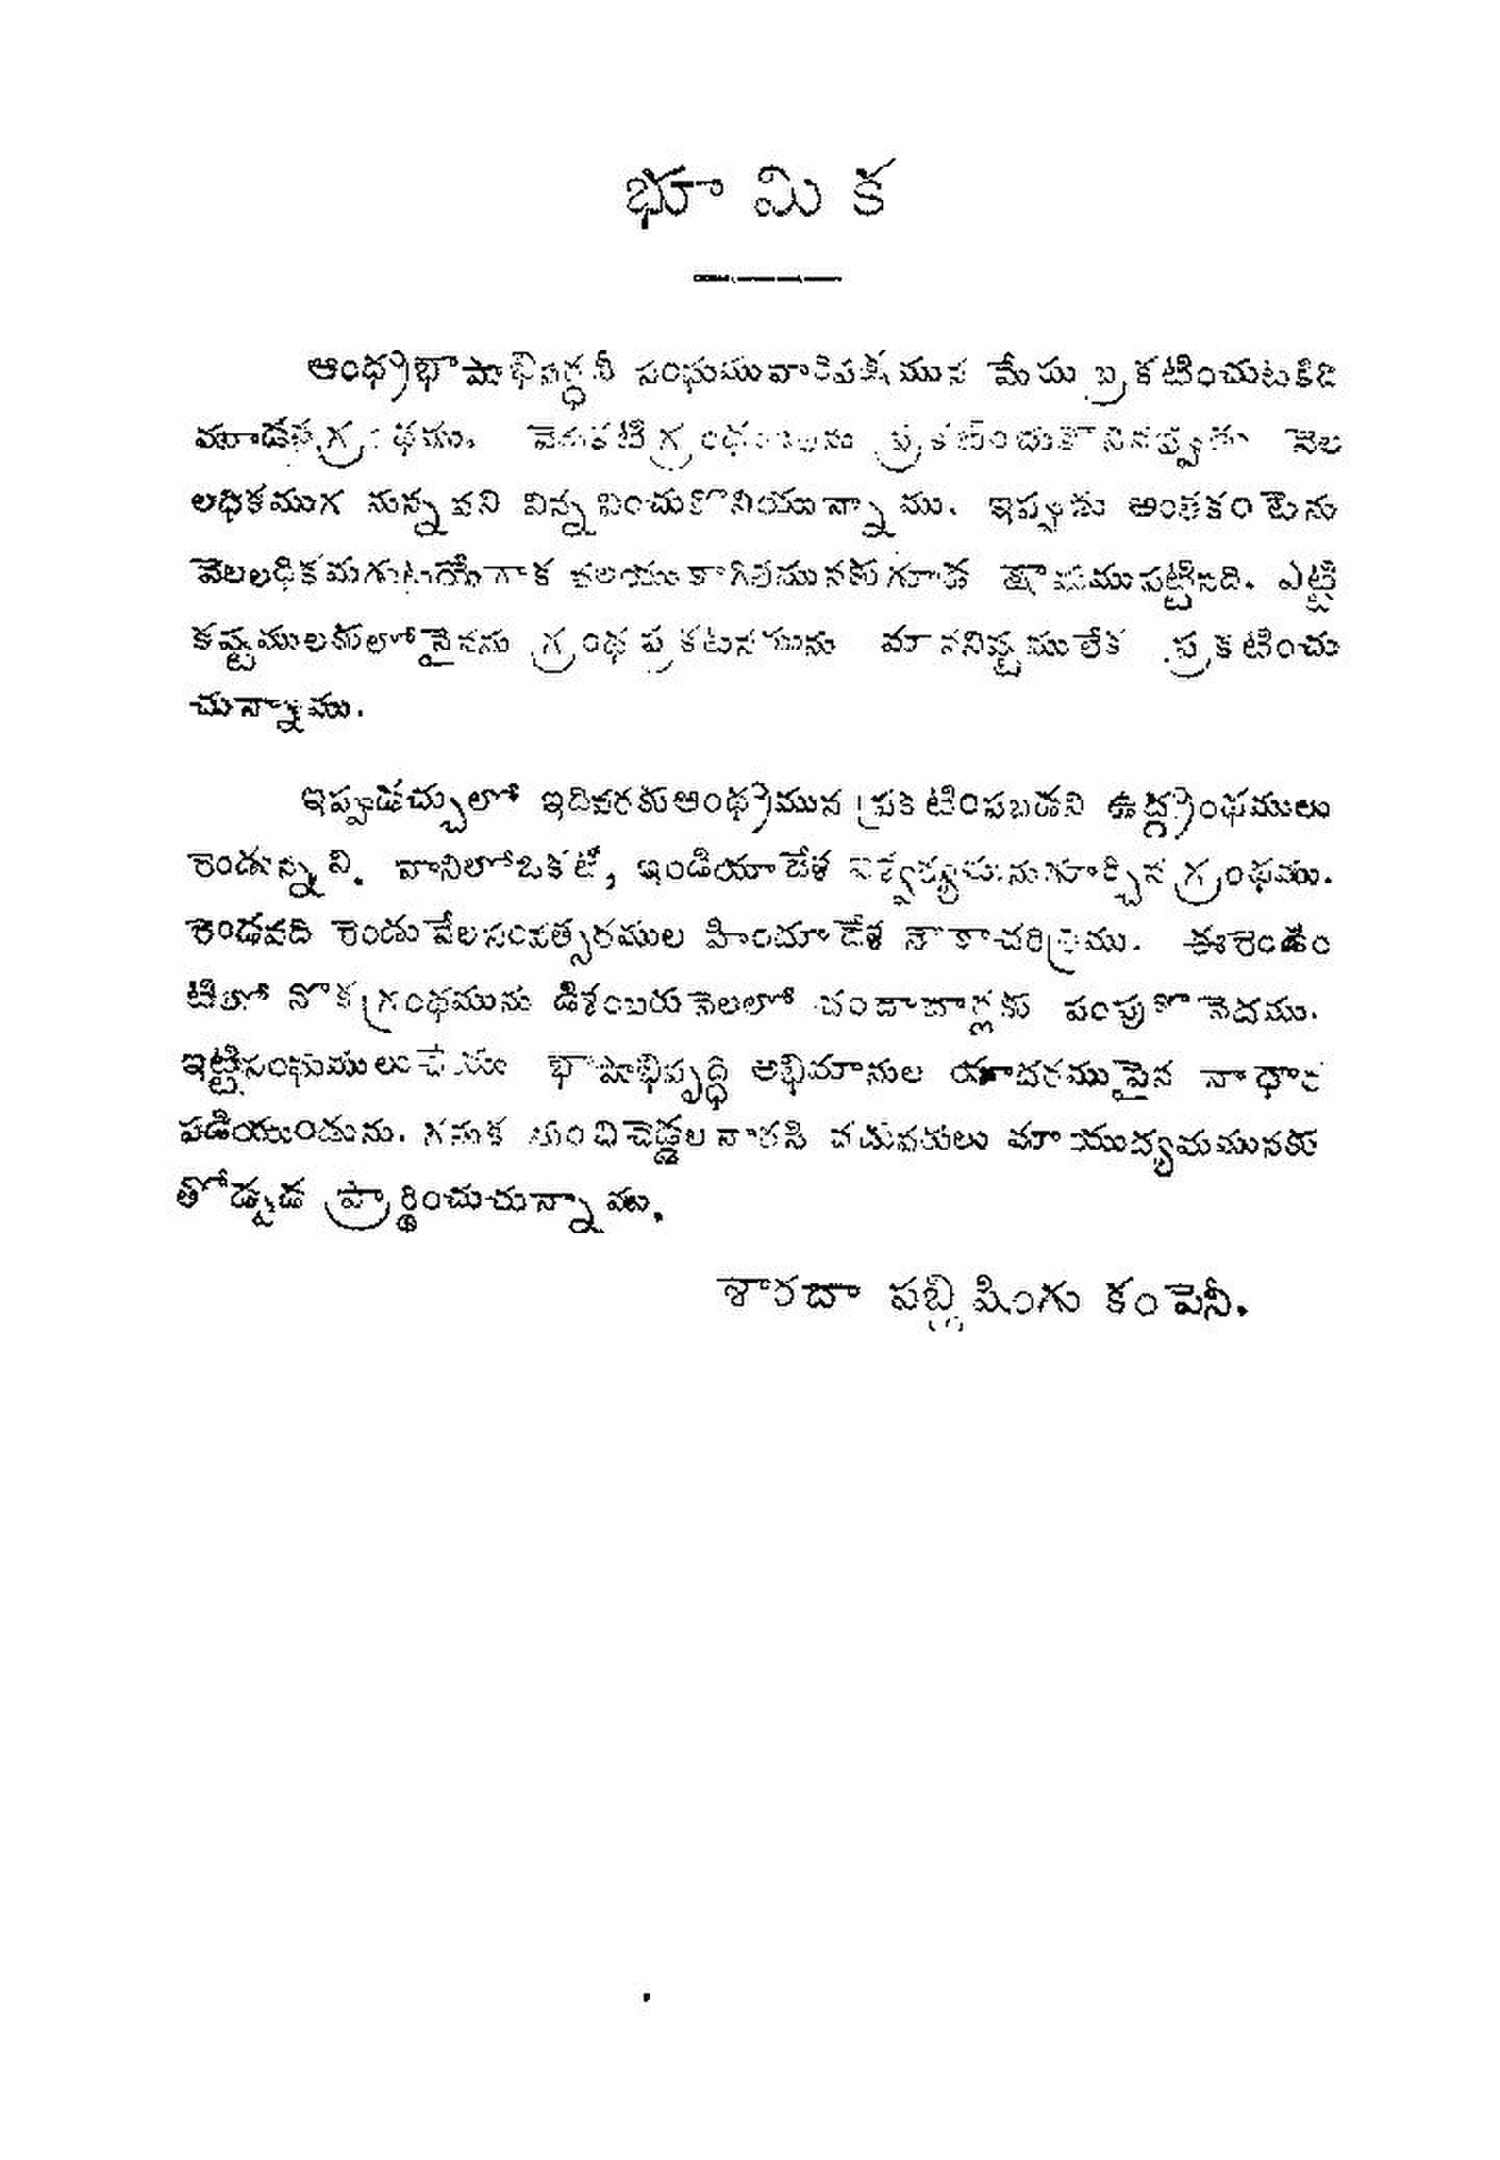భూమిక

ఆంధ్రభాషాభివర్ధనీ సంఘమువారిపక్షమున మేము బ్రకటించుటకిది మూడవగ్రంధము. వెనుకటి గ్రందములను . ప్రకటించుకొనినప్పుడు వెల లధికముగ నున్నవని విన్నవించుకొనియున్నాము. ఇప్పుడు అంతకంటెను వెలలధికమగుటయేగాక వలయు కాగితమునకుగూడ క్షామముపట్టినది. ఎట్టి కష్టములకులోనైనను గ్రంథప్రకటనమును మాననిష్టములేక .ప్రకటించుచున్నాము.

ఇప్పుడచ్చులో ఇదివరకుఆంధ్రమున ప్రకటింపబడని ఉద్గ్రంథములు రెండున్నవి. వానీలోఒకటి, ఇండియాదేశ ఐశ్వర్యమునుగూర్చిన గ్రంధము. రెండవది రెండువేలసంవత్సరముల హిందూదేశ నౌకాచరిత్రము. ఈ రెండింటిలో నొకగ్రంథమును డిశంబరునెలలో చందాదార్లకు పంపుకొనెదము. ఇట్టిసంఘములుచేయు భాషాభివృద్ది అభిమానుల యాదారముపైన నాధారపడియుండును. గనుక మంచిచెడ్డల నారసి చదువరులు మా యుద్యమమునకు తోడ్పడ ప్రార్థించుచున్నాము